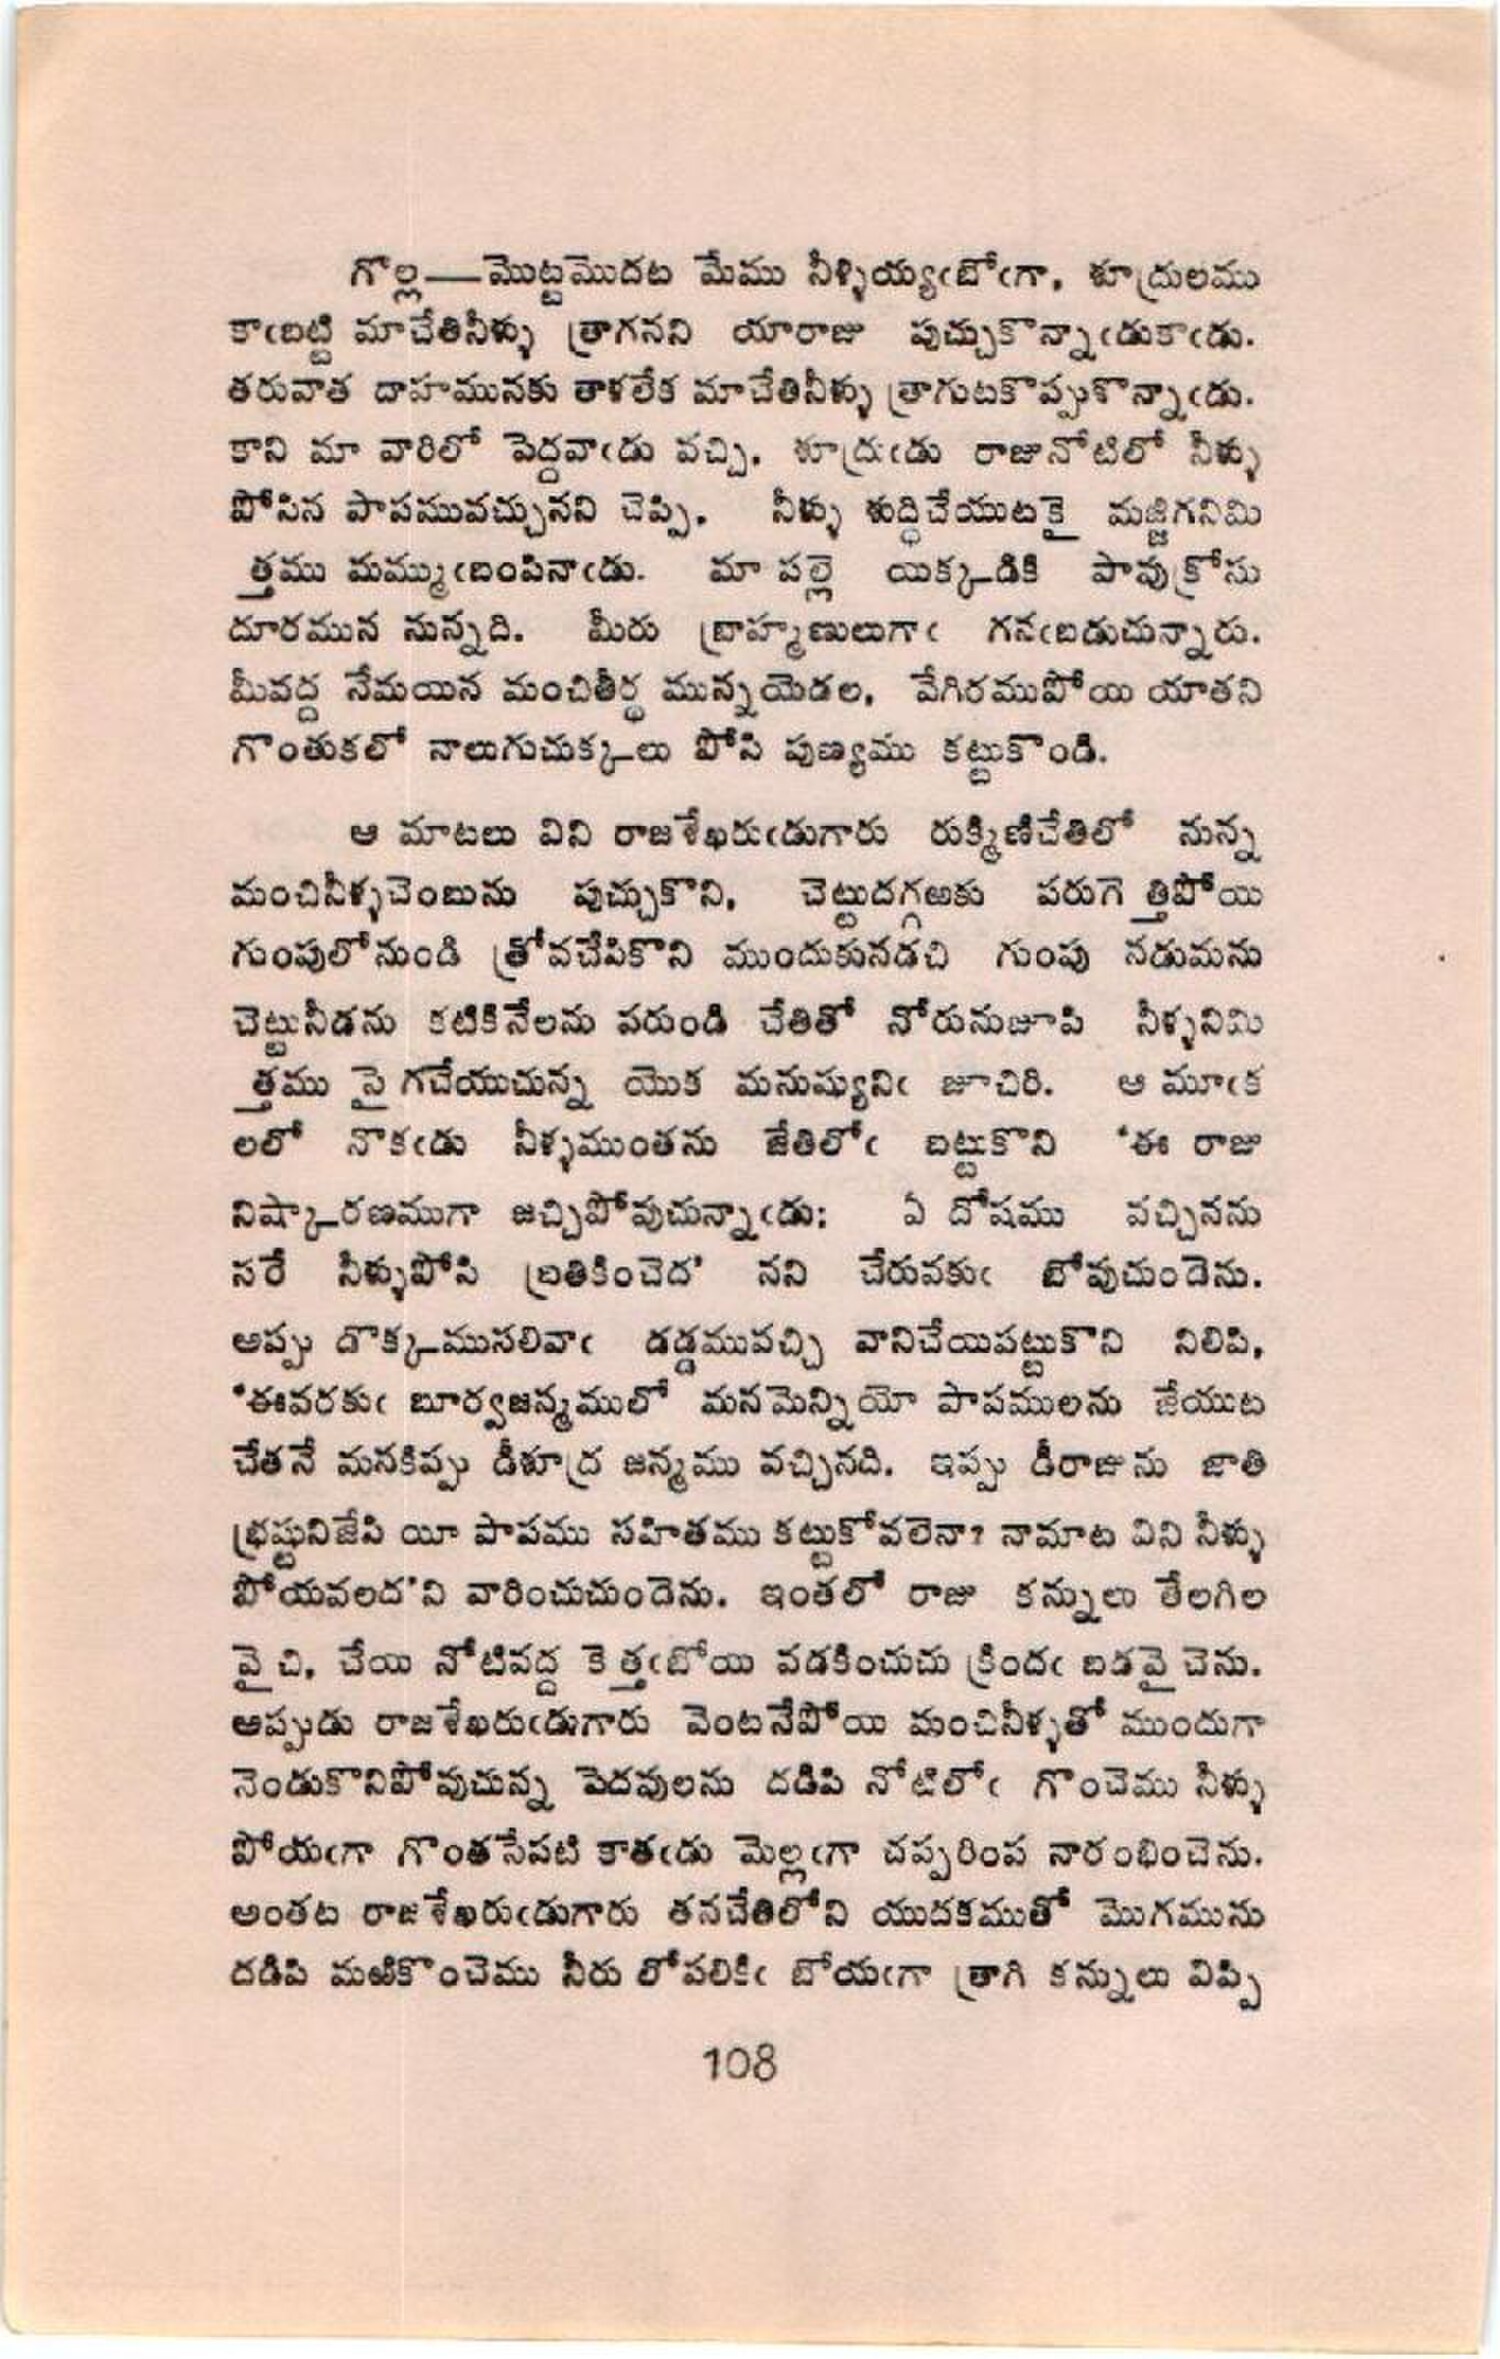గొల్ల__మొట్టమొదట మేము నీళ్ళియ్యఁబోఁగా, శూద్రులము కాబట్టి మాచేతినీళ్ళు త్రాగనని యారాజు పుచ్చుకొన్నాఁడుకాఁడు. తరువాత దాహమునకు తాళలేక మాచేతినీళ్ళు త్రాగుటకొప్పుకొన్నాడు. కాని మా వారిలో పెద్దవాఁడు వచ్చి, శూద్రుఁడు రాజు నోటిలో నీళ్ళు పోసిన పాపమువచ్చునని చెప్పి, నీళ్ళు శుద్ధిచేయుటకై మజ్జిగనిమిత్తము మమ్ముఁబంపినాఁడు. మా పల్లె యిక్కడికి పావు క్రోసు దూరమున నున్నది. మీరు బ్రాహ్మణులుగాఁ గనఁబడుచున్నారు. మీవద్ద నేమయిన మంచితీర్థ మున్నయెడల, వేగిరముపోయి యాతని గొంతుకలో నాలుగుచుక్కలు పోసి పుణ్యము కట్టుకొండి.

ఆ మాటలు విని రాజశేఖరుడుగారు రుక్మిణిచేతిలో నున్న మంచినీళ్ళచెంబును పుచ్చుకొని, చెట్టు దగ్గఱకు పరుగెత్తిపోయి గుంపులోనుండి త్రోవచేసికొని ముందుకు నడచి గుంపు నడుమను చెట్టునీడను కటికి నేలను పరుండి చేతితో నోరునుజూపి నీళ్ళు నిమిత్తము సైగచేయుచున్న యొక మనుష్యునిఁ జూచిరి. ఆ మూఁక లలో నొకఁడు నీళ్ళముంతను జేతిలో
బట్టుకొని "ఈ రాజు నిష్కారణముగా జచ్చిపోవుచున్నాఁడు; ఏ దోషము వచ్చినను నీళ్ళు పోసి బ్రతికించెద" నని చేరువకుఁ బోవుచుండెను. అప్పు డొక్క-ముసలివాఁ డడ్డము వచ్చి వానిచేయిపట్టుకొని నిలిపి, “ఈవరకుఁ బూర్వజన్మములో మనమెన్నియో పాపములను జేయుట చేతనే మనకిప్పు డీశూద్ర జన్మము వచ్చినది. ఇప్పు డీరాజును జాతి భ్రష్ట్రునిజేసి యీ పాపము సహితము కట్టుకోవలెనా? నామాట విని నీళ్ళు పోయవలద”ని వారించుచుండెను. ఇంతలో రాజు కన్నులు తేలగిల వైచి, చేయి నోటివద్ద కెత్తఁబోయి వడకించుచు క్రిందఁ బడవైచెను. అప్పడు రాజశేఖరుఁడుగారు వెంటనేపోయి మంచినీళ్ళతో ముందుగా నెండుకొనిపోవుచున్న పెదవులను దడిపి నోటిలోఁ గొంచెము నీళ్ళు పోయఁగా గొంతసేపటి కాతఁడు మెల్లఁగా చప్పరింప నారంభించెను. అంతట రాజశేఖరుడుగారు తనచేతిలోని యుదకముతో మొగమును దడిపి మఱికొంచెము నీరు లోపలికిఁ బోయఁగా త్రాగి కన్నులు విప్పి